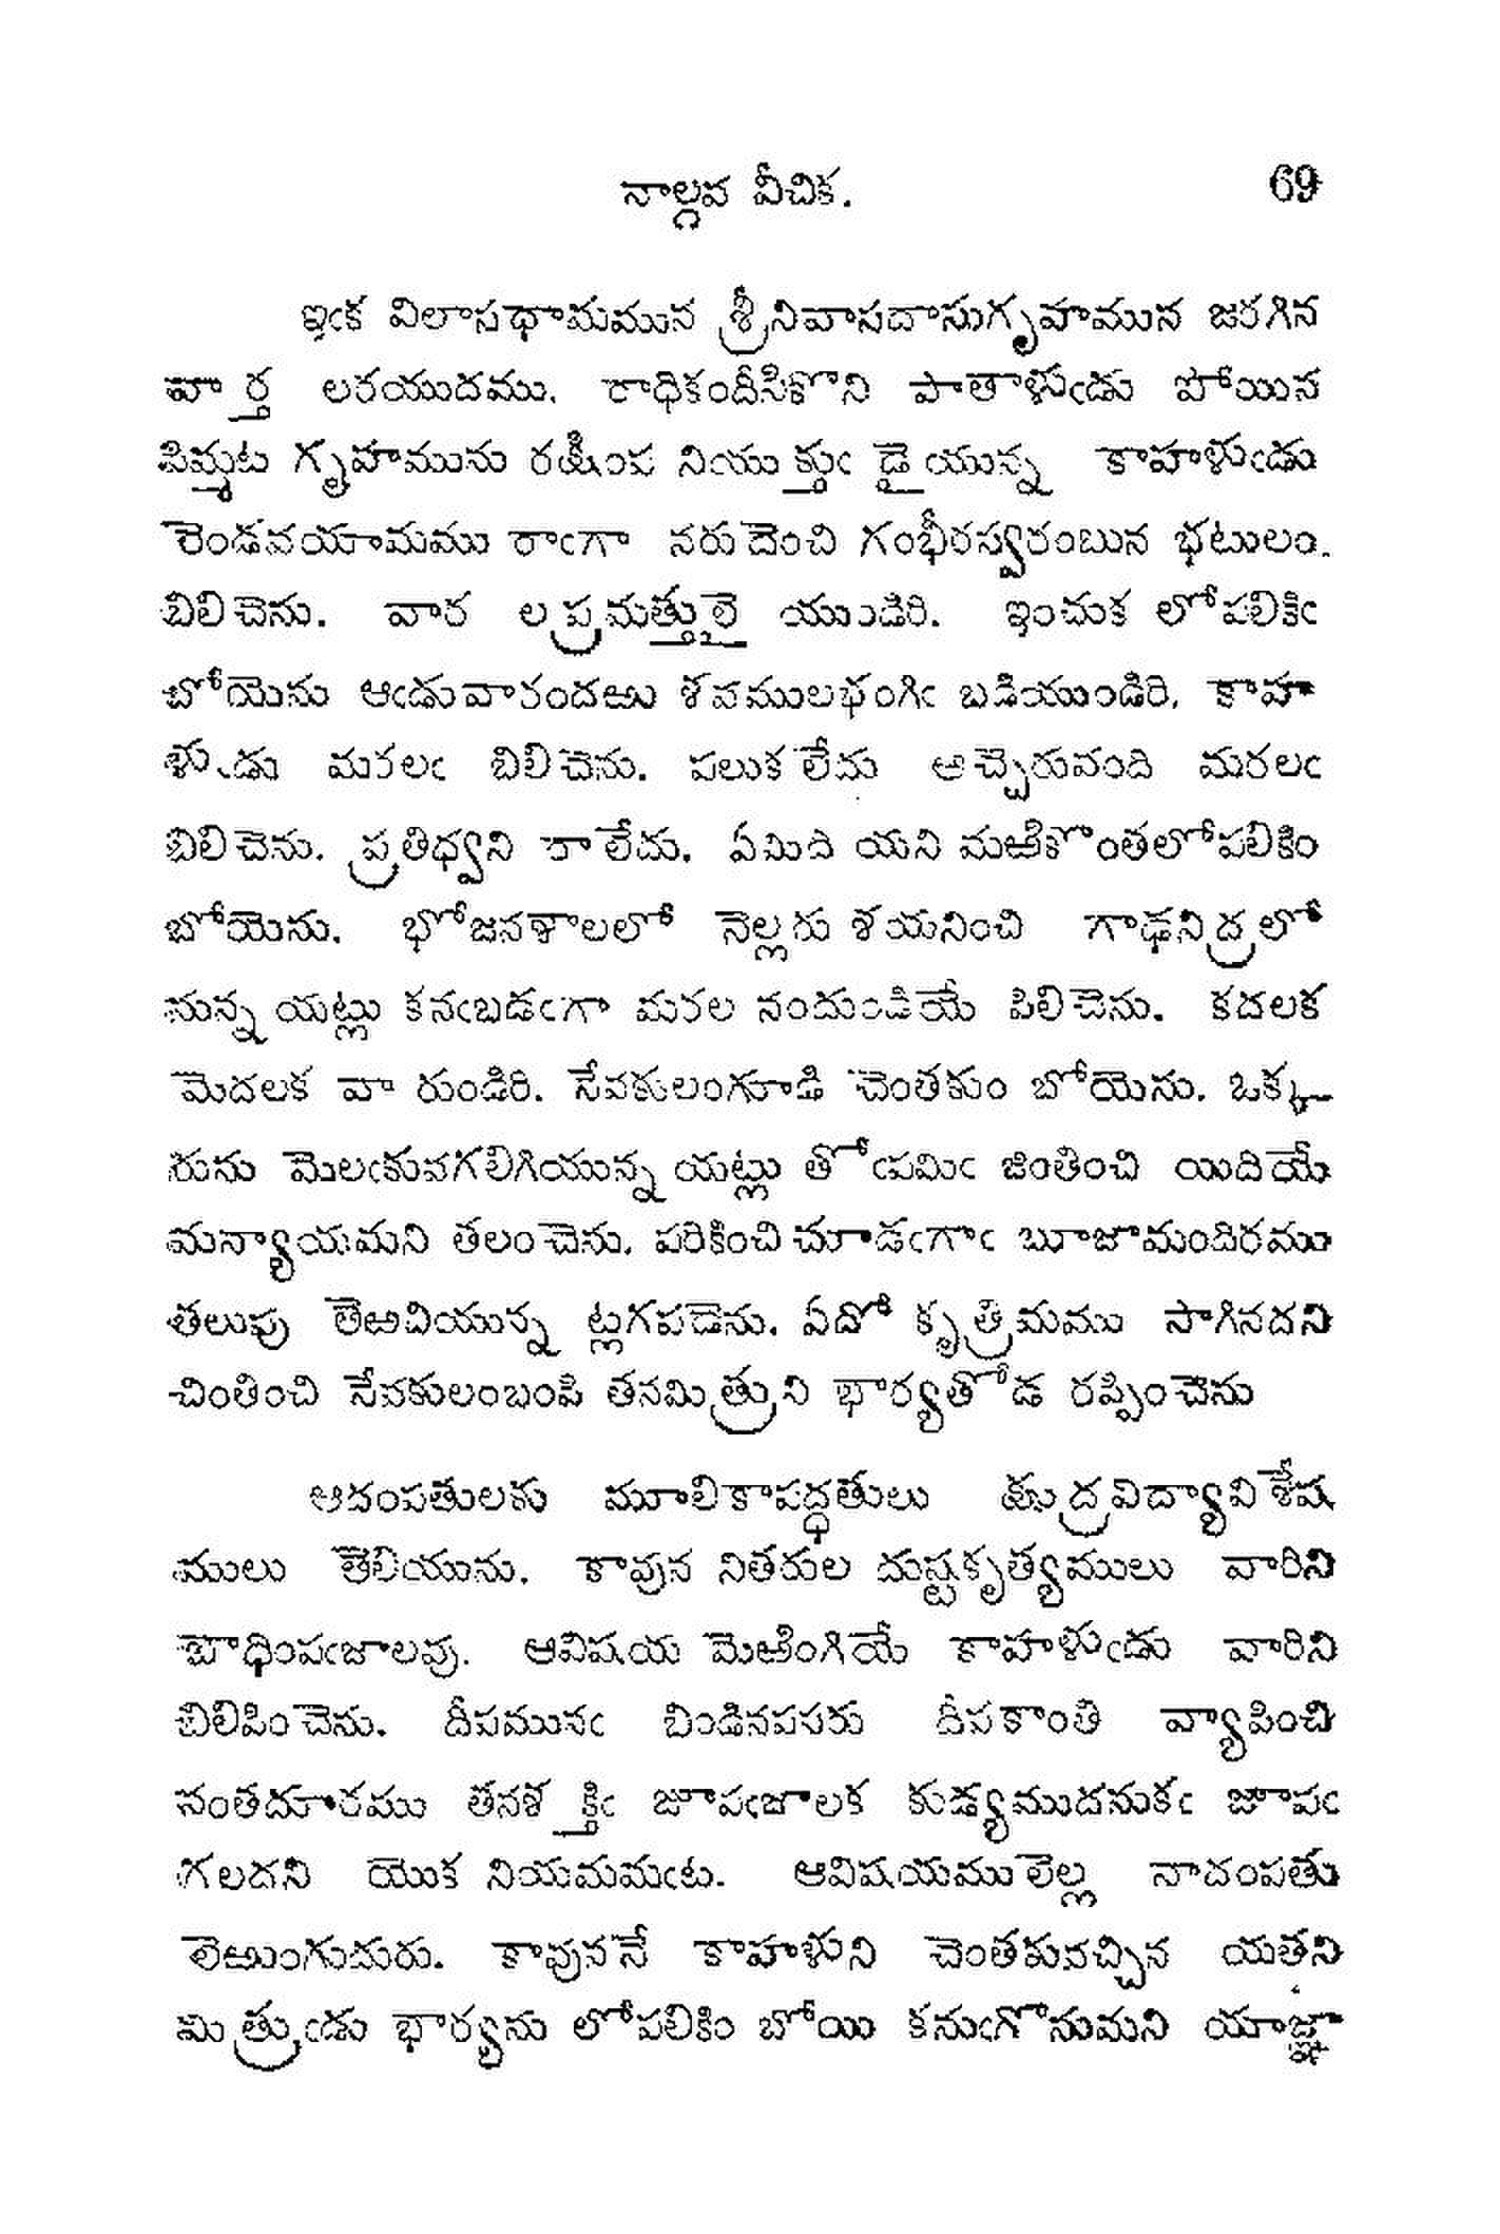ఇంక విలాస ధామమున శ్రీనివాసదాసుగృహమున జరిగిన వార్త లరయుదము. 'రాధికం దీసికొని పాతాళుఁడు పోయిన పిమ్మట గృహమును రక్షింప నియుక్తుఁ డై యున్న కాహళుఁడు రెండవయామము రాఁగా నరుదెంచి గంభీరస్వరంబున భటులం బిలి చెను. వార లప్రమత్తులై యుండిరి. ఇంచుక లోపలికిఁ బోయెను ఆడువారందఱు శవములభంగిఁ బడియుండిరి. కాహళుఁడు మరలఁ బిలిచెను. పలుకలేదు. అచ్చెరువంది. మరలఁ బిలిచెను. ప్రతిధ్వని రాలేదు. ఏమిది యని మఱికొంతలోపలికిం బోయెను. భోజనశాలలో నెల్లరు శయనించి గాఢనిద్రలో నున్న యట్లు కనఁబడఁగా మరల నందుండియే పిలిచెను. కదలకమెదలక వా రుండిరి. సేవకులంగూడి 'చెంతకుం బోయెను. ఒక్కరును మెలకువగలిగియున్న యట్లు తోమిఁ జింతించి యిదియే మన్యాయమని తలంచెను. పరికించి చూడఁగాఁ బూజామందిరము తలుపు తెఱచియున్న ట్లగపడెను. ఏదో కృత్రిమము సాగినదని చింతించి సేవకులంబంపి తనమిత్రుని భార్యతోడ రప్పించెను

ఆ దంపతులను మూలికాపద్దతులు క్షుద్ర విద్యావి శేషములు తెలియును. కావున నితరుల దుష్టకృ త్యములు వారిని బాధింపజాలవు. ఆవిషయ మెఱింగియే కాహళుడు వారిని బిలిపించెను. దీపమునఁ బిండినపసరు దీప కాంతి వ్యాపించి నంతదూరము తనశక్తిఁ జూపఁజాలక కుడ్యముదనుకఁ జూపఁ గలదని యొక నియమమఁట. ఆవిషయము లెల్ల నాదంపతు లెఱుంగుదురు. కావుననే కాహళుని చెంతకు వచ్చిన యతని మిత్రుడు భార్యను లోపలికిం బోయి కనుఁగొనుమని యాజ్ఞా